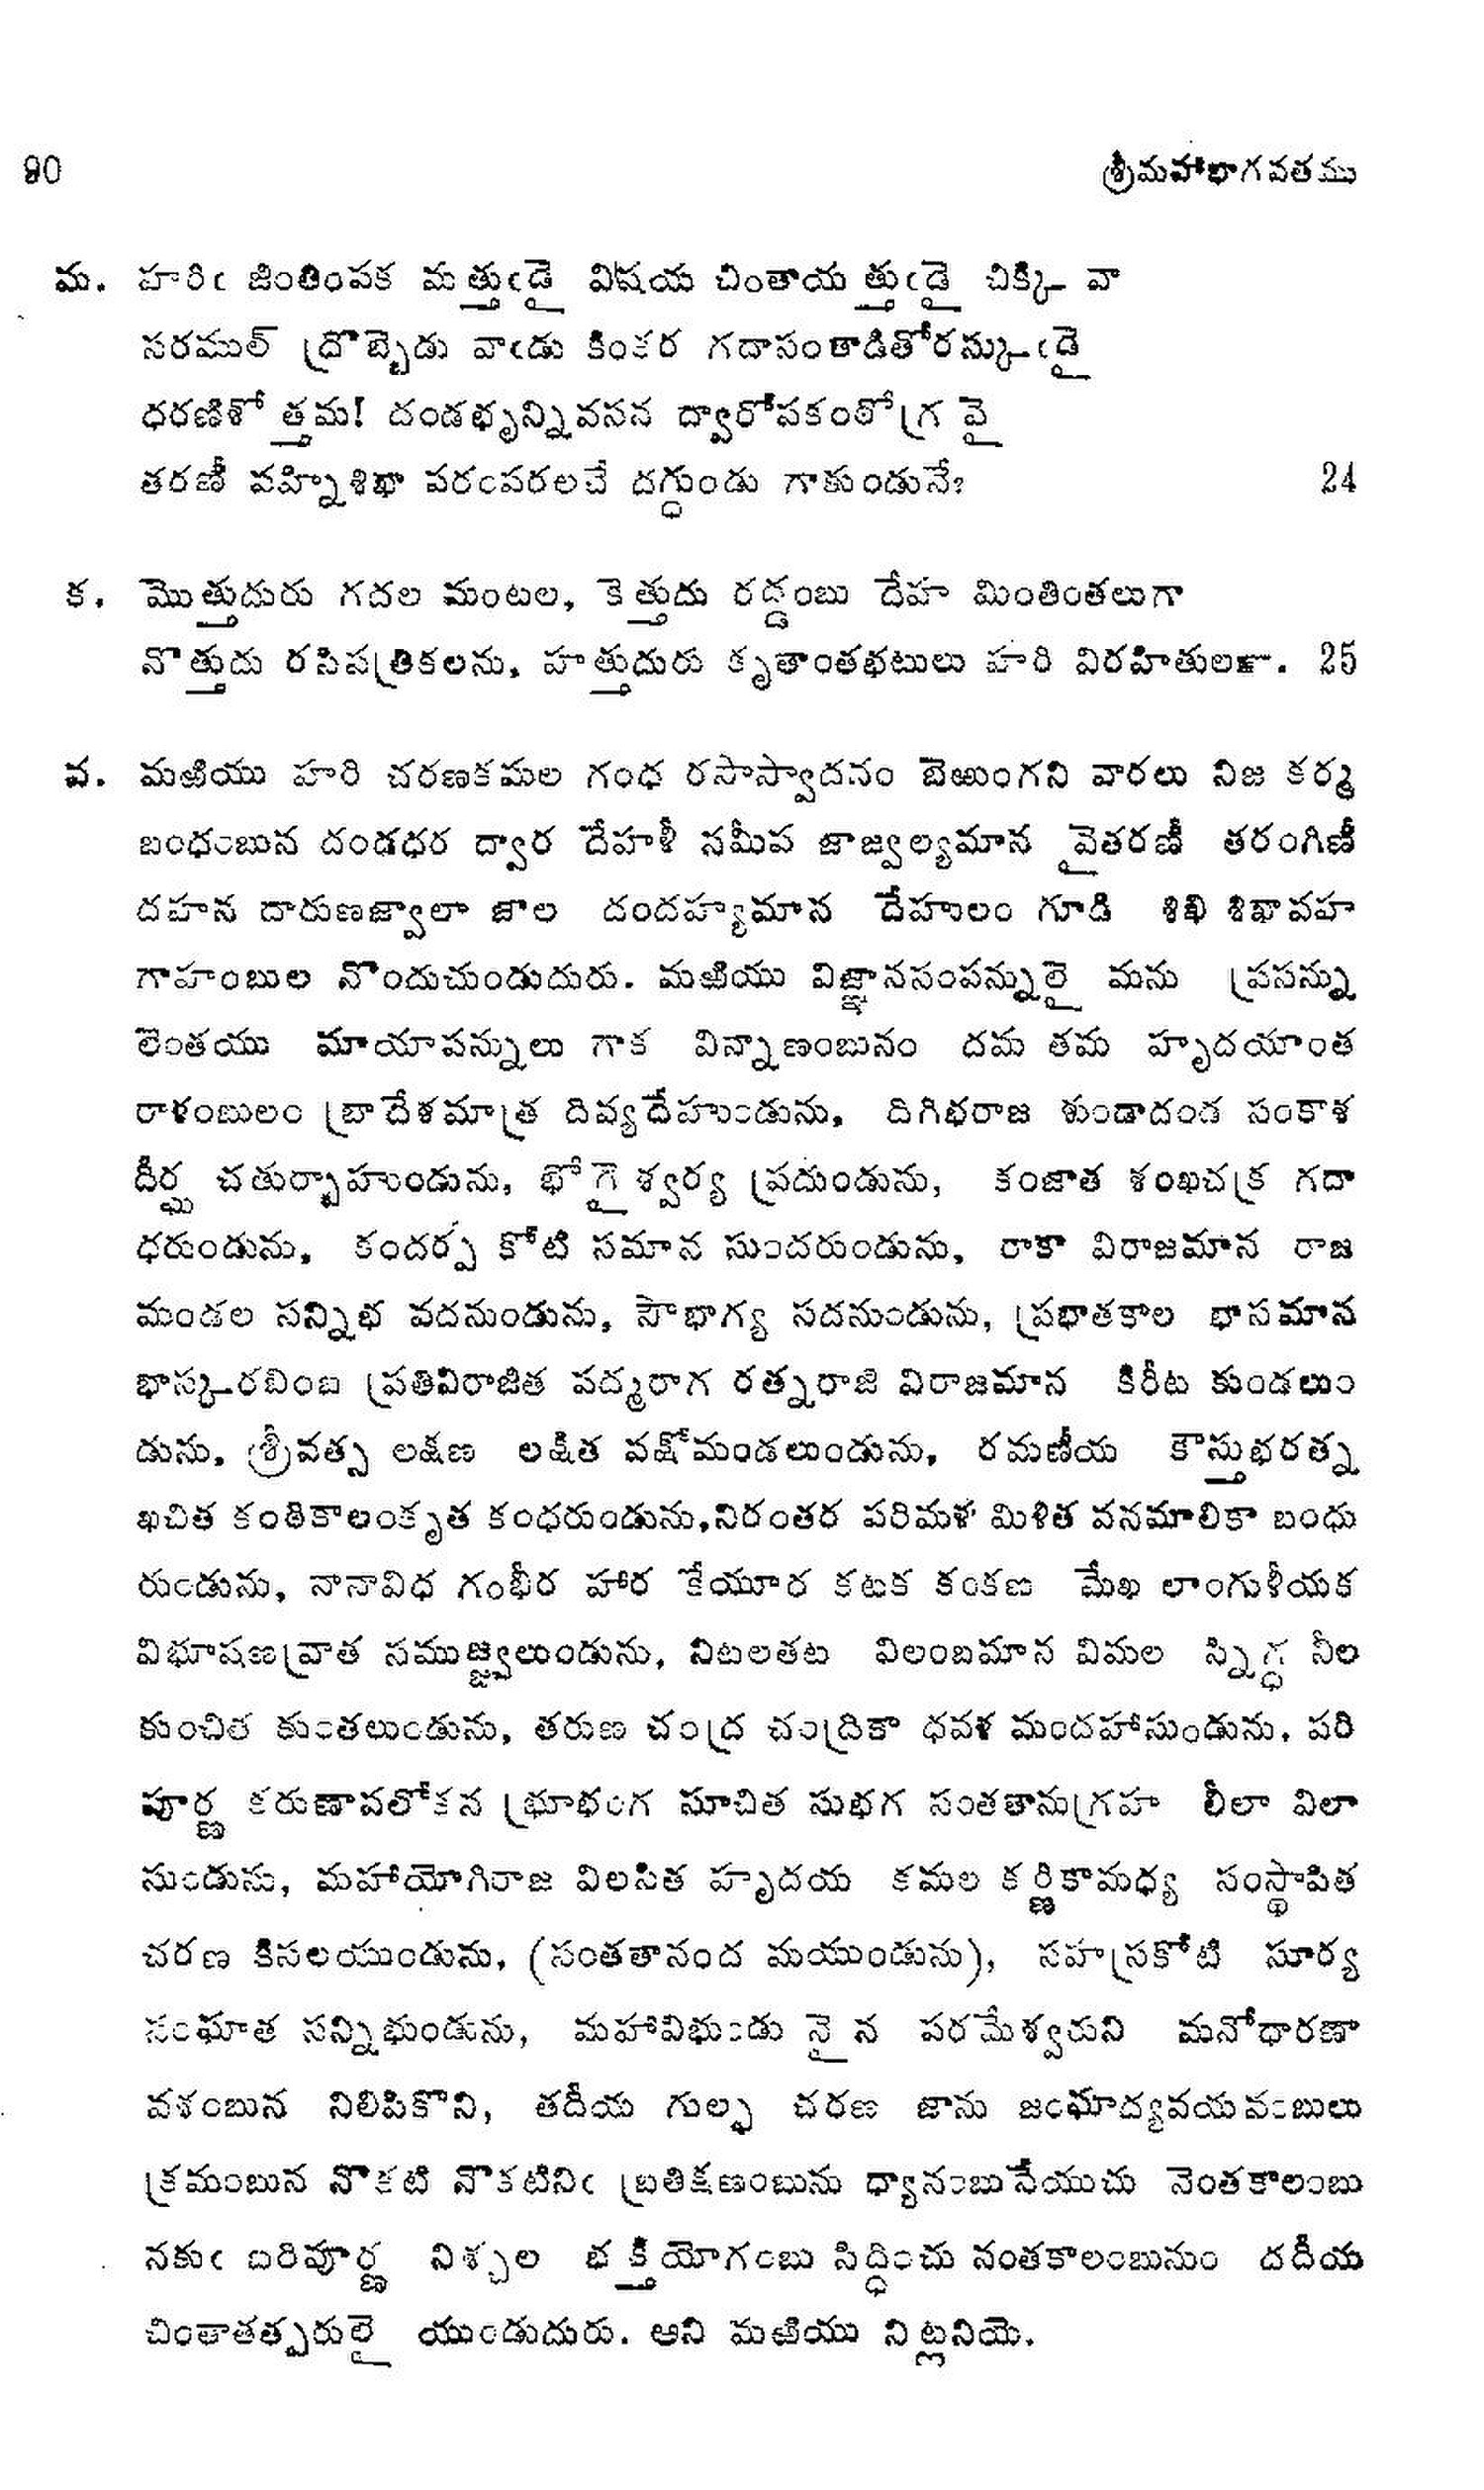90

మ. హరిఁ జింతింపక మత్తుఁడై విషయ చింతాయత్తుఁడై చిక్కి వా

సరముల్ ద్రొబ్బెడు వాఁడు కింకిర గదాసంతాడితోరస్కుఁడై

ధరణీశో త్తమ ! దండభృన్నివసన ద్వారోపకంఠోగ్ర వై

తరణీ వహ్ని శివా పరంపరలచే దగ్ధుండు కాకుండునే ? (24)

క. మొత్తుదురు గదల మంటల, కెత్తుదు రడ్డంబు దేహ మింతింతలుగా

నొత్తుదు రసిపత్రికలను, హత్తుదురు కృతాంతభటులు హరి విరహితులన్ (25)

వ. మఱియు హరి చరణకమల గంధ రసస్వాదనం బెఱుంగని వారలు నిజ కర్మ బంధంబున దండధర ద్వార దేహళీ సమీప జాజ్వల్యమాన వైతరణీ తరంగిణీ దహన 

దారుణ జ్వాలాజాల దందహ్యమాన దేహులం గూడి శిఖి శిఖావగాహంబుల నొందుచుండుదురు. మఱియు విజ్ఞానసంపన్నులై మను ప్రపన్నులెంతయు 

మాయాపన్నులు గాక విన్నాణంబునం దమ తమ హృదయాంత రాళంబులం బ్రాదేశమాత్ర దివ్యదేహుండును, దిగిభరాజ శుండాదండ సంకాశ దీర్ఘ చతుర్బాహుండును, 

భోగైశ్వర్య ప్రదుండును, కంజాత శంకచక్ర గదాధరుండును, కందర్ప కోటి సమాన సుందరుండును, రాకా విరాజమాన రాజమండల సన్నిభ వదనుండును, సౌభాగ్య 

సదనుండును, ప్రభాతకాల భాసమాన భాస్కరబింబ ప్రతివిరాజిత పద్మరాగ రత్నరాజి విరాజమాన కిరీటి కుండలుండును, శ్రీవత్స లక్షణ లక్షిత వక్షో మండలుండును, 

రమణీయ కౌస్తుభ రత్న ఖచిత కంఠికాలంకృత కంధరుండును, నిరంతర పరిమళ మిళిత వనమాలికా బంధురుండును, నానావిధ గంభీర హార కేయూర కటక కంకణ మేఖ 

లాంగుళీయక విభూషణవ్రాత సముజ్జ్వలుండును, నిటలతట విలంబమాన విమల స్నిగ్ధ నీలకుంచిత కుంతలుండును, తరుణ చంద్ర చంద్రికా ధవళ మందహాసుండును, 

పరిపూర్ణ కరుణావలోకన భ్రూభంగ సూచిత సుభగ సంతతానుగ్రహ లీలా విలాసుండును, మహా యోగిరాజ విలసిత హృదయ కమల కర్ణికామధ్య సంస్థాపిత చరణ 

కిసలయండును, సంతతానంద ( మయుండును) సహస్రకోటి సూర్య సంఘాత సన్నిభుండును, మహానుభావుండు నైన పరమేశ్వరుని మనోధారణా వశంబున నిలిపికొని, 

తదీయ గుల్ప చరణ జాను జంఘాద్యవయవంబులు క్రమంబున నొకటి నొకటినిఁ బ్రతిక్షణంబును ధ్యానంబు సేయుచు నెంత కాలంబునకుఁ బరిపూర్ణ నిశ్చల 

భక్తియోగంబు సిద్ధించు నంతకాలంబునుం దదీయ చింతాతత్పరులై యుండుదురు. అని మఱియు నిట్లనియె . (26)